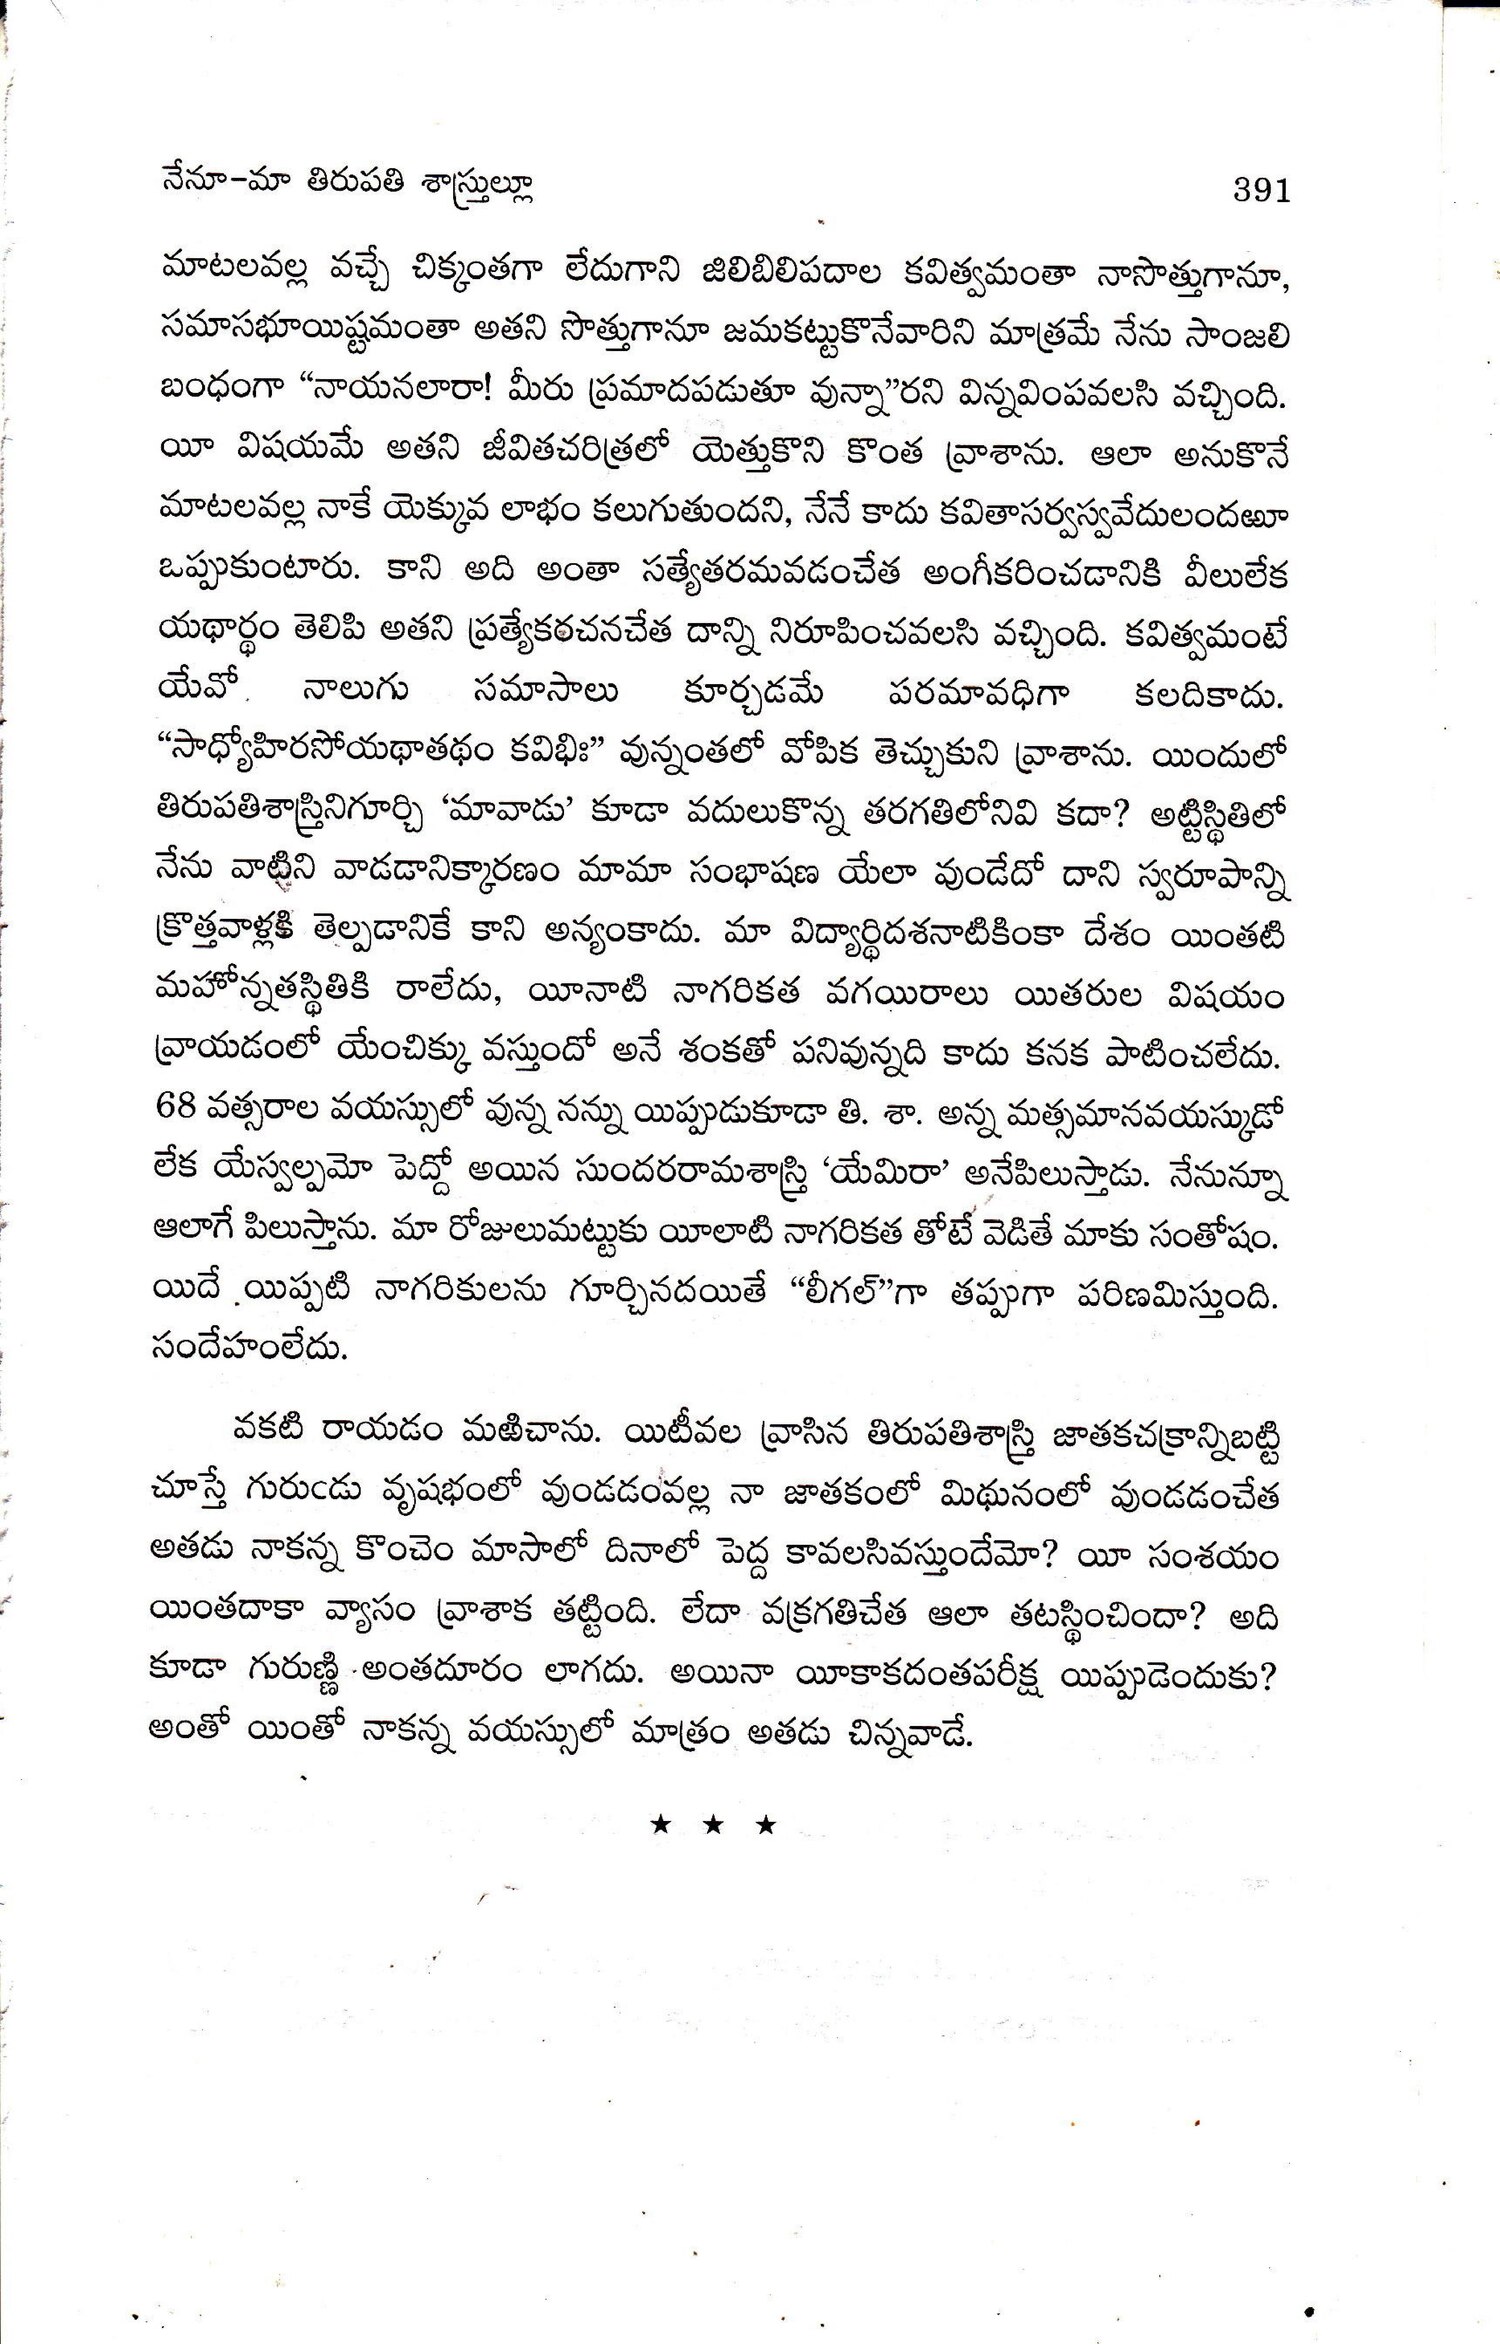మాటలవల్ల వచ్చే చిక్కంతగా లేదుగాని జిలిబిలిపదాల కవిత్వమంతా నాసొత్తుగానూ, సమాసభూయిష్టమంతా అతని సొత్తుగానూ జమకట్టుకొనేవారిని మాత్రమే నేను సాంజలి బంధంగా “నాయనలారా! మీరు ప్రమాదపడుతూ వున్నా"రని విన్నవింపవలసి వచ్చింది. యీ విషయమే అతని జీవితచరిత్రలో యెత్తుకొని కొంత వ్రాశాను. ఆలా అనుకొనే మాటలవల్ల నాకే యెక్కువ లాభం కలుగుతుందని, నేనే కాదు కవితాసర్వస్వవేదులందఱూ ఒప్పుకుంటారు. కాని అది అంతా సత్యేతరమవడంచేత అంగీకరించడానికి వీలులేక యథార్థం తెలిపి అతని ప్రత్యేకరచనచేత దాన్ని నిరూపించవలసి వచ్చింది. కవిత్వమంటే యేవో నాలుగు సమాసాలు కూర్చడమే పరమావధిగా కలదికాదు. "సాధ్యోహిరసోయథాతథం కవిభిః” వున్నంతలో వోపిక తెచ్చుకుని వ్రాశాను. యిందులో తిరుపతిశాస్త్రినిగూర్చి 'మావాడు' కూడా వదులుకొన్న తరగతిలోనివి కదా? అట్టిస్థితిలో నేను వాటిని వాడడానిక్కారణం మామా సంభాషణ యేలా వుండేదో దాని స్వరూపాన్ని క్రొత్తవాళ్లకి తెల్పడానికే కాని అన్యంకాదు. మా విద్యార్థిదశనాటికింకా దేశం యింతటి మహోన్నతస్థితికి రాలేదు, యీనాటి నాగరికత వగయిరాలు యితరుల విషయం వ్రాయడంలో యేంచిక్కు వస్తుందో అనే శంకతో పనివున్నది కాదు కనక పాటించలేదు. 68 వత్సరాల వయస్సులో వున్న నన్ను యిప్పుడుకూడా తి. శా. అన్న మత్సమానవయస్కుడో లేక యేస్వల్పమో పెద్దో అయిన సుందరరామశాస్త్రి 'యేమిరా’ అనేపిలుస్తాడు. నేనున్నూ ఆలాగే పిలుస్తాను. మా రోజులుమట్టుకు యీలాటి నాగరికత తోటే వెడితే మాకు సంతోషం. యిదే యిప్పటి నాగరికులను గూర్చినదయితే “లీగల్"గా తప్పుగా పరిణమిస్తుంది. సందేహంలేదు.

వకటి రాయడం మఱిచాను. యిటీవల వ్రాసిన తిరుపతిశాస్త్రి జాతకచక్రాన్నిబట్టి చూస్తే గురుఁడు వృషభంలో వుండడంవల్ల నా జాతకంలో మిథునంలో వుండడంచేత అతడు నాకన్న కొంచెం మాసాలో దినాలో పెద్ద కావలసివస్తుందేమో? యీ సంశయం యింతదాకా వ్యాసం వ్రాశాక తట్టింది. లేదా వక్రగతిచేత ఆలా తటస్థించిందా? అది కూడా గురుణ్ణి అంతదూరం లాగదు. అయినా యీకాకదంతపరీక్ష యిప్పుడెందుకు? అంతో యింతో నాకన్న వయస్సులో మాత్రం అతడు చిన్నవాడే.